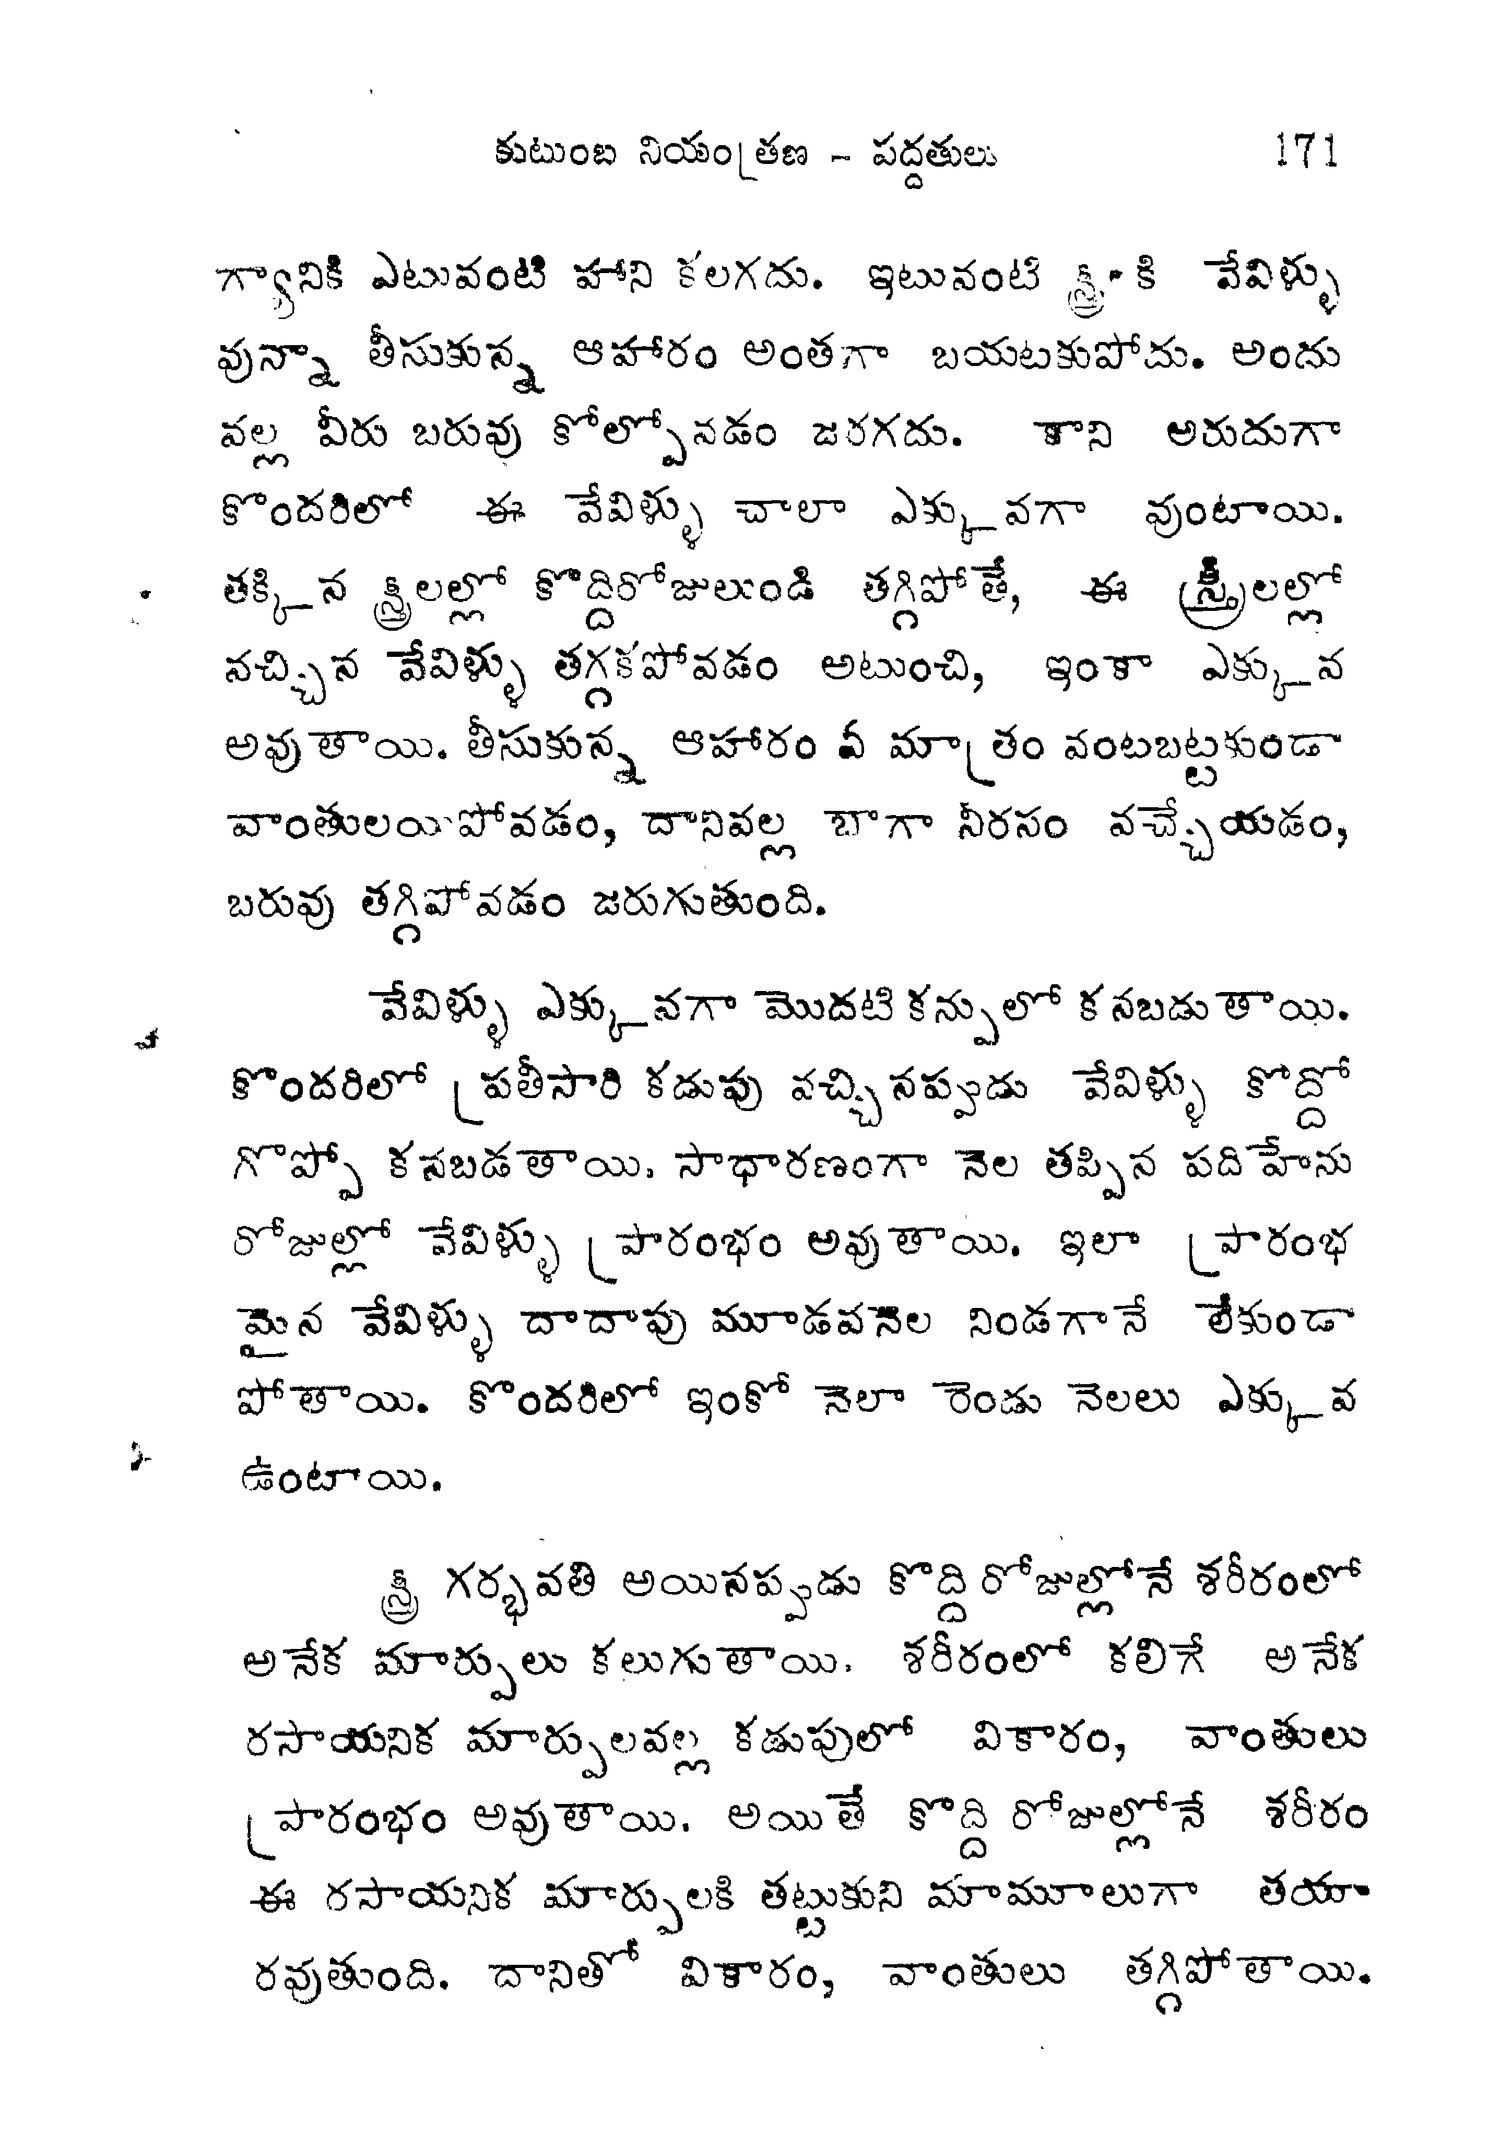గ్యానికి ఎటువంటి హాని కలగదు. ఇటువంటి స్త్రీలకి వేవిళ్ళు వున్నా తీసుకున్న ఆహారం అంతగా బయటకుపోదు. అందువల్ల వీరు బరువు కోల్పోవడం జరగదు. కాని అరుదుగా కొందరిలో ఈ వేవిళ్ళు చాలా ఎక్కువగా వుంటాయి. తక్కిన స్త్రీలలో కొద్దిరోజులుండి తగ్గిపోతే, ఈ స్త్రీలల్లో వచ్చిన వేవిళ్ళు తగ్గకపోవడం అటుంచి, ఇంకాఎక్కువ అవుతాయి. తీసుకున్న ఆహారం ఏ మాత్రం వంటబట్టకుండా వాంతులు పోవడం, దానివల్ల బాగా నీరసం వచ్చేయడం, బరువు తగ్గిపోవడం జరుగుతుంది.

వేవిళ్ళు ఎక్కువగా మొదటికన్పులో కనబడతాయి. కొందరిలో ప్రతీసారి కడుపు వచ్చినప్పుడు వేవిళ్ళు కొద్దో గొప్పో కనబడతాయి. సాధారణంగా నెల తప్పిన పదిహేనురోజుల్లో వేవిళ్ళు ప్రారంభం అవుతాయి. ఇలా ప్రారంభమైన వేవిళ్ళు దాదాపు మూడవనెల నిండగానే లేకుండా పోతాయి. కొందరిలో ఇంకో నెలా రెండు నెలలు ఎక్కువ ఉంటాయి.

స్త్రీ గర్భవతి అయినప్పుడు కొద్ది రోజుల్లోనే శరీరంలోఅనేక మార్పులు గలుగుతాయి. శారీరంలో కలిగే అనేక రసాయనిక మార్పులవల్ల కడుపులో వికారం,వాంతులు ప్రారంభం అవుతాయి. అఇతే కొద్ది రోజుల్లోనే శరీరం ఈ రసాయనిక మార్పులకి తట్టుకుని మామూలుగా తయారవుతుంది. దానితో వికారం, వాంతులు రతగ్గిపోతాయి.